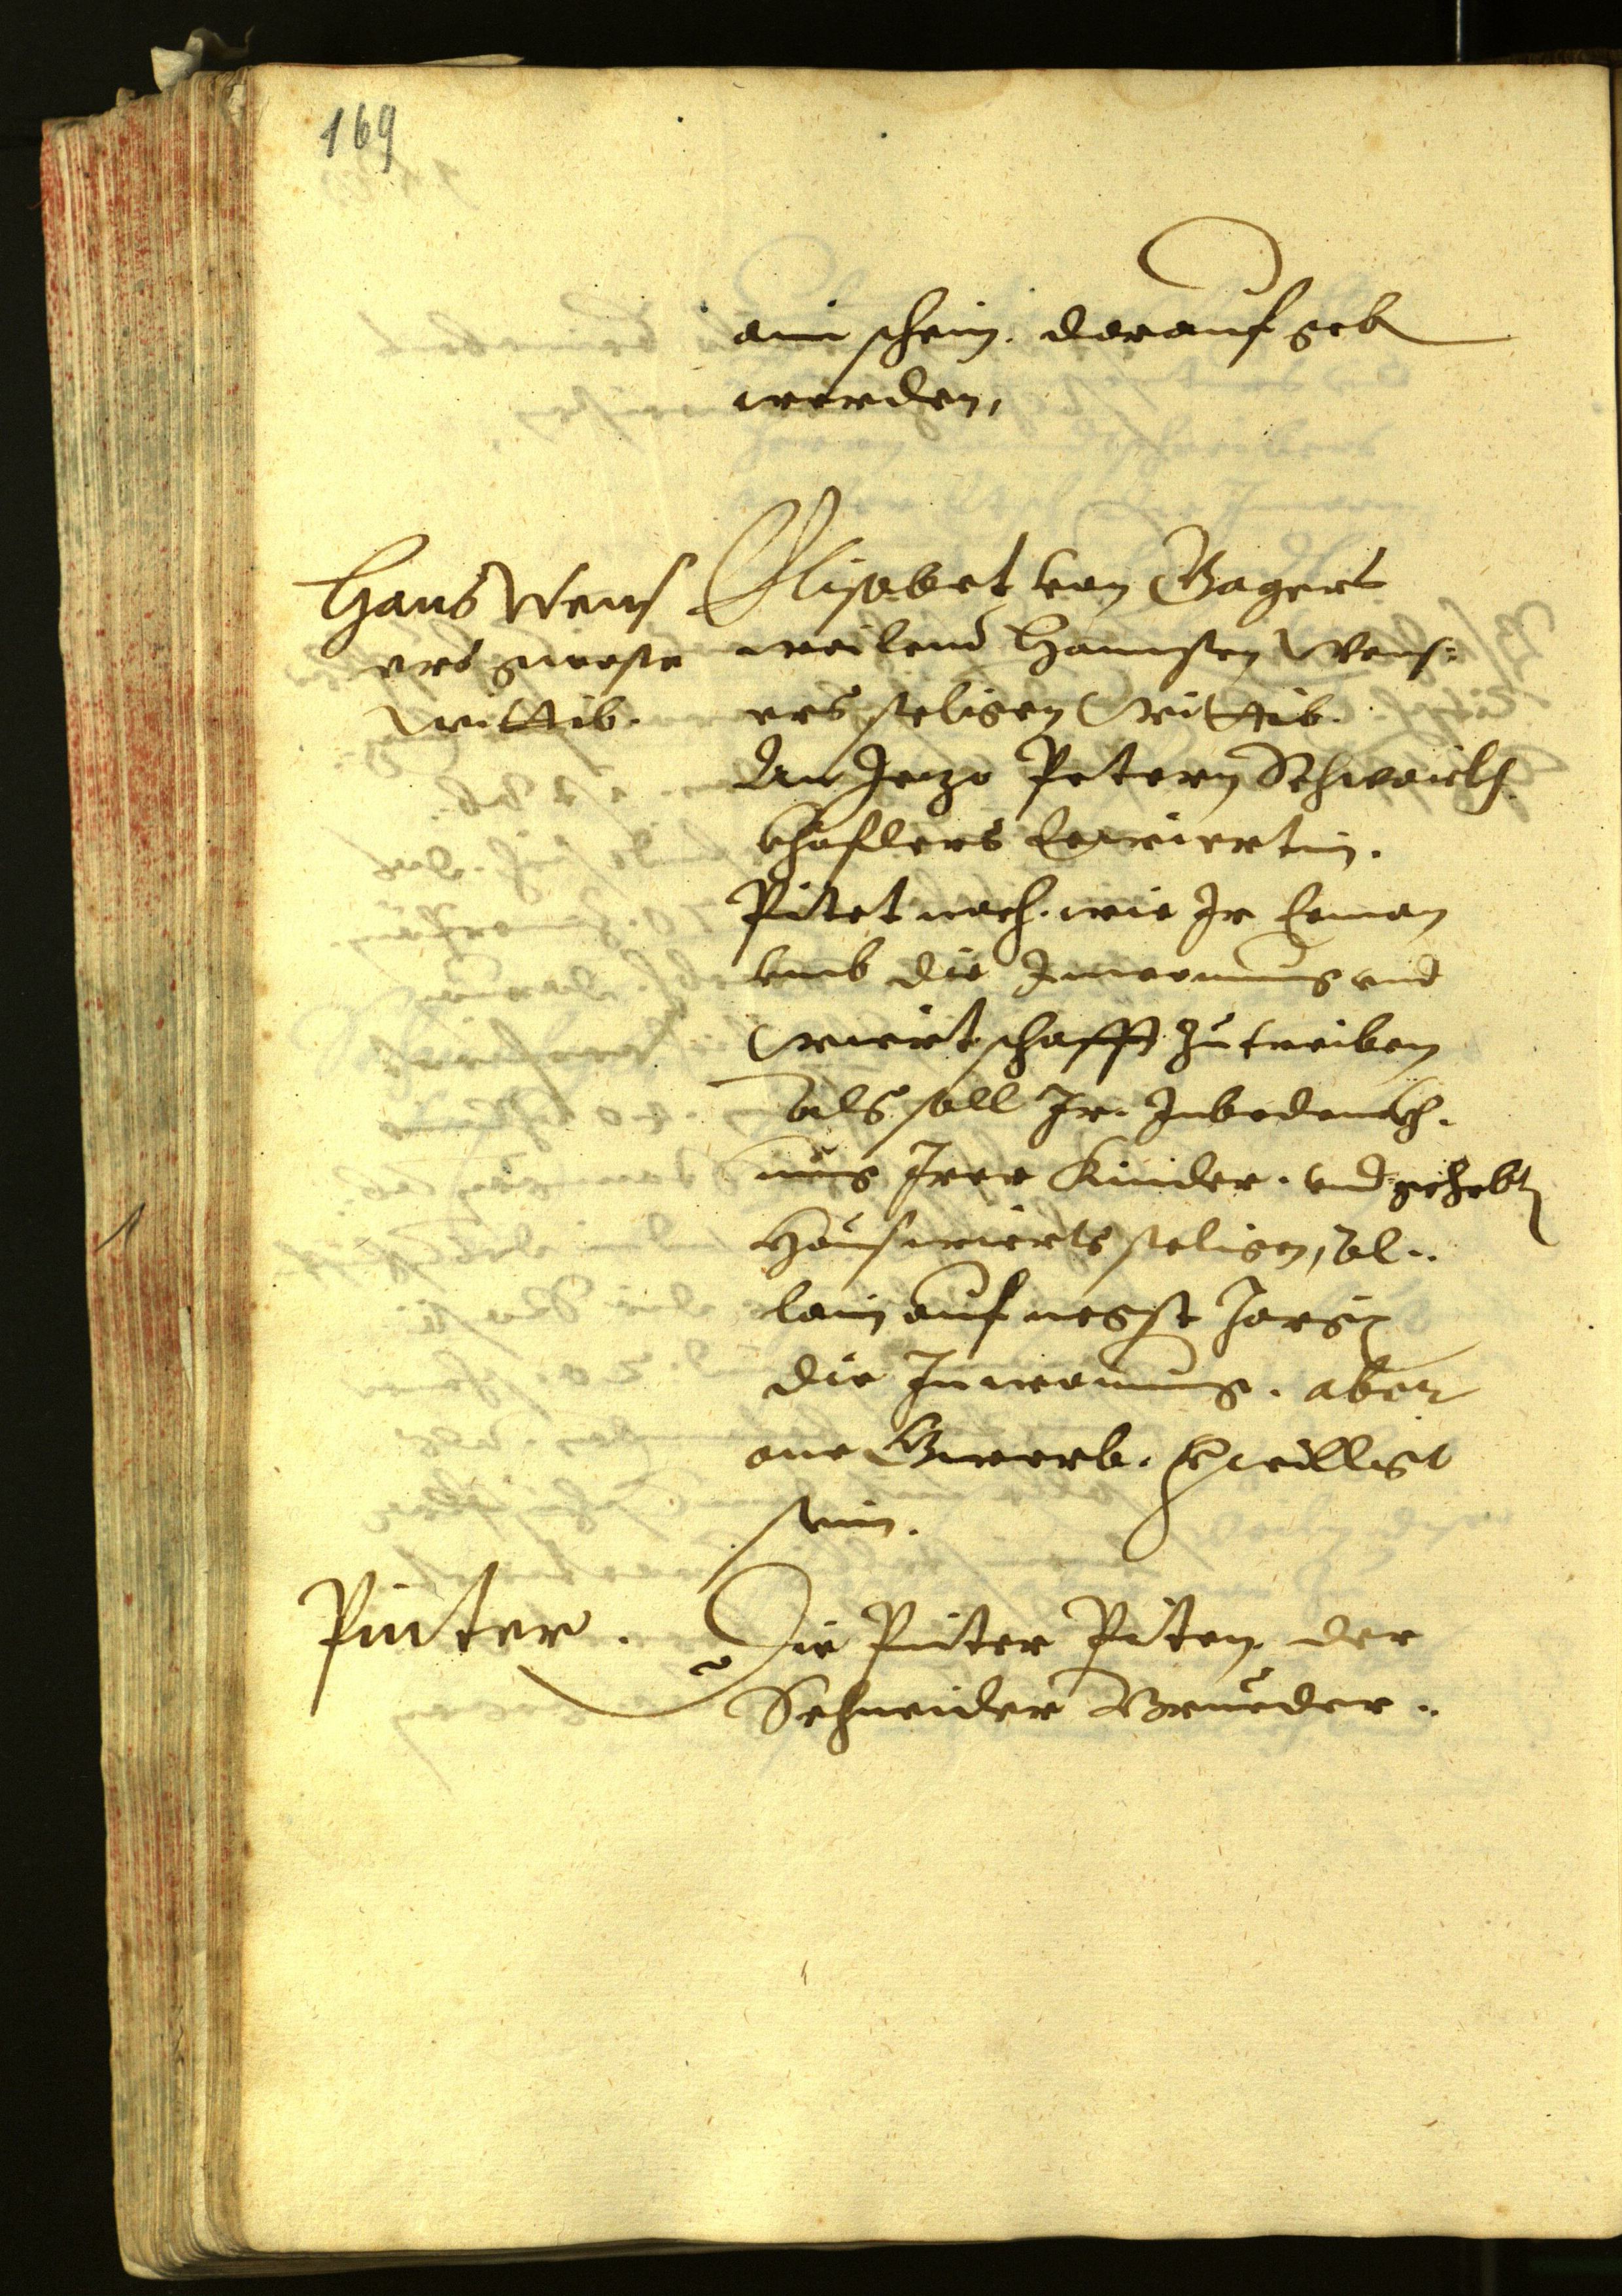169
ain schein. daraūf geb
werden,
Elisabet von Gagers
weilend Hannsen Wens¬
ers seligen Wittib.
An Jezo Petern Schwaickh¬
khoflers Eewiertin.
Pitet noch. wie Ir Eeman
vmb die Inwonūng vnd
wiertschafft Zū treiben
Als soll Ir Inbedenckh¬
ūng Irer Kinder. vnd gehabt
Haūswierts seligen, Al¬
lain aūf negst Jorgj
die Inwonūng. aber
one Gwerb. gewilligt
sein.
Hans Wens¬
ers gweste
Wittib.
Pinter.
Die Pinter Piten der
Schneider Brūeder¬